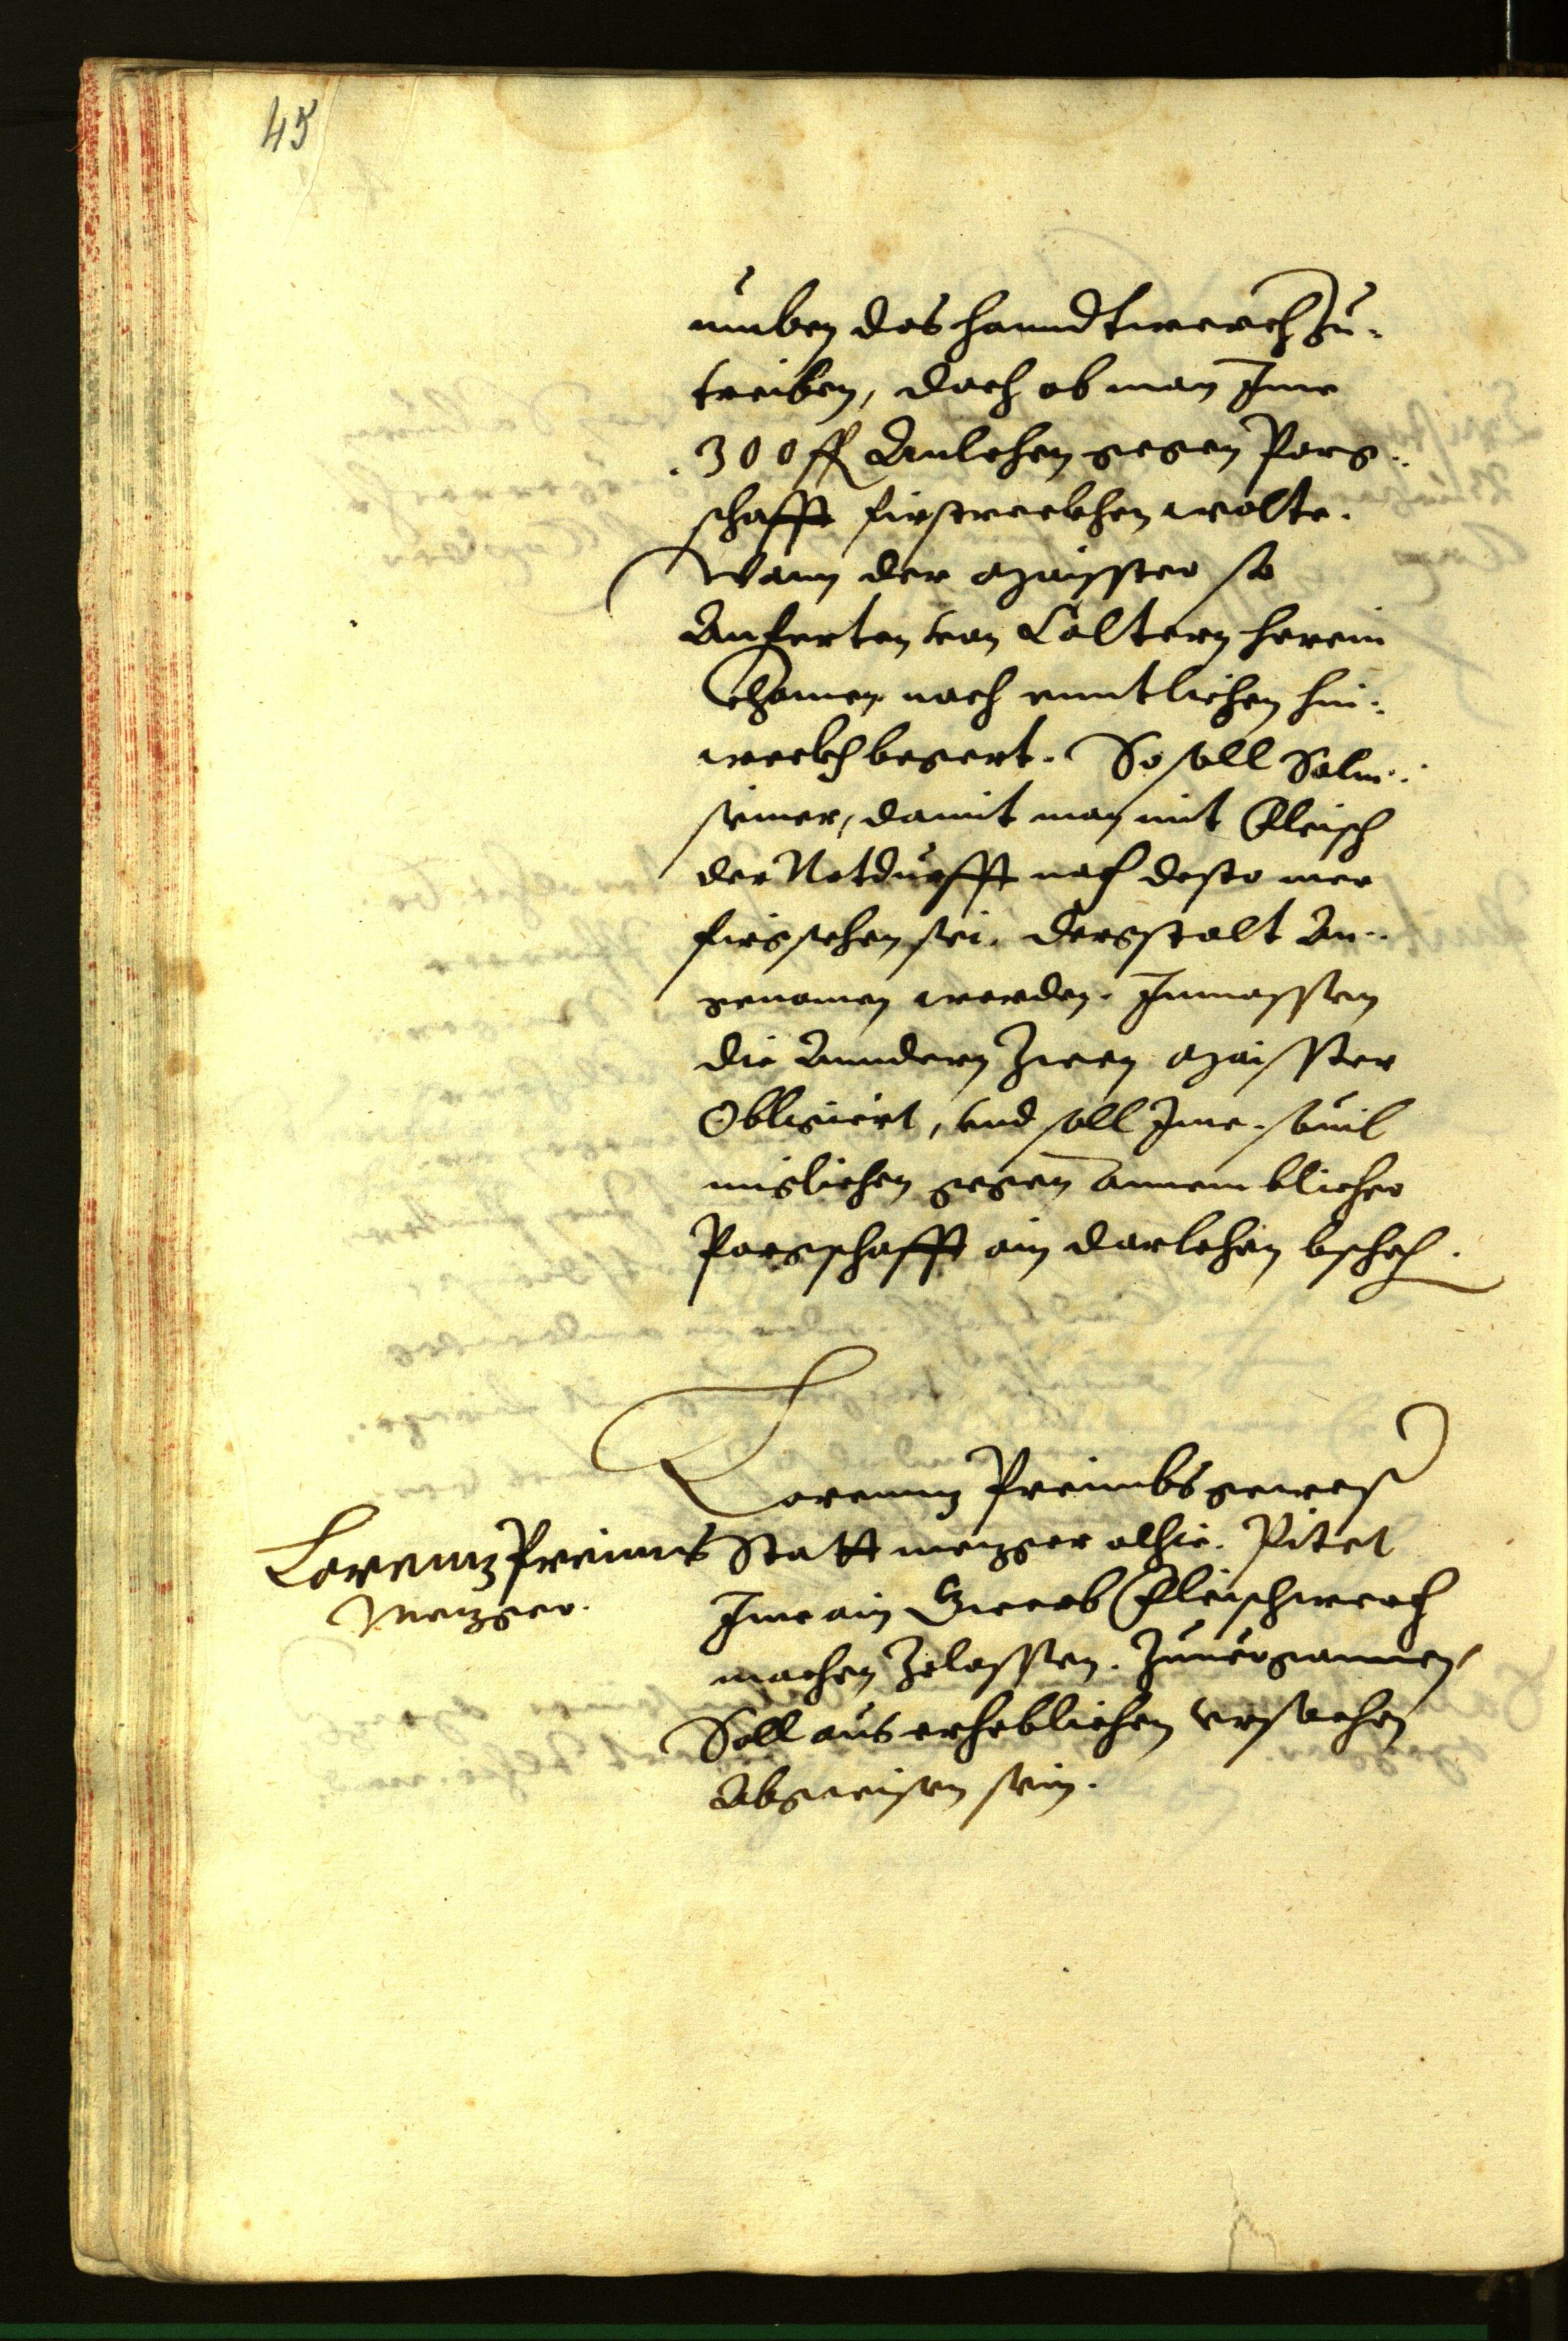45
ūmben das Hanndtwerch Zū¬
treiben, doch ob man Ime
.300 fl Anlehen gegen Porg¬
schafft firstreckhen wolte.
Wann der Maisster so
Anferten von Caltern herein
Khomen nach enntlichen hin¬
weckh begert. So soll Salm¬
steiner, damit man mit Fleisch
der Notdūrfft nach desto mer
firgsehen sei. dergstalt an¬
genomen werden. Inmassen
die Anndern Zwen Maisster
Obligiert, vnd soll Ime. sovil
miglichen gegen Annemblicher
Porgschafft ain darlehen bscheh.
Lorennz Preimbs gewest
Statt mezger alhie. Pitet
Ime ain Gwerb Fleischwerch
machen Zelassen. Zūuērgonnen,
Soll aūs erheblichen ursachen
Abgwisen sein.
Lorenz Preims
Mezger.